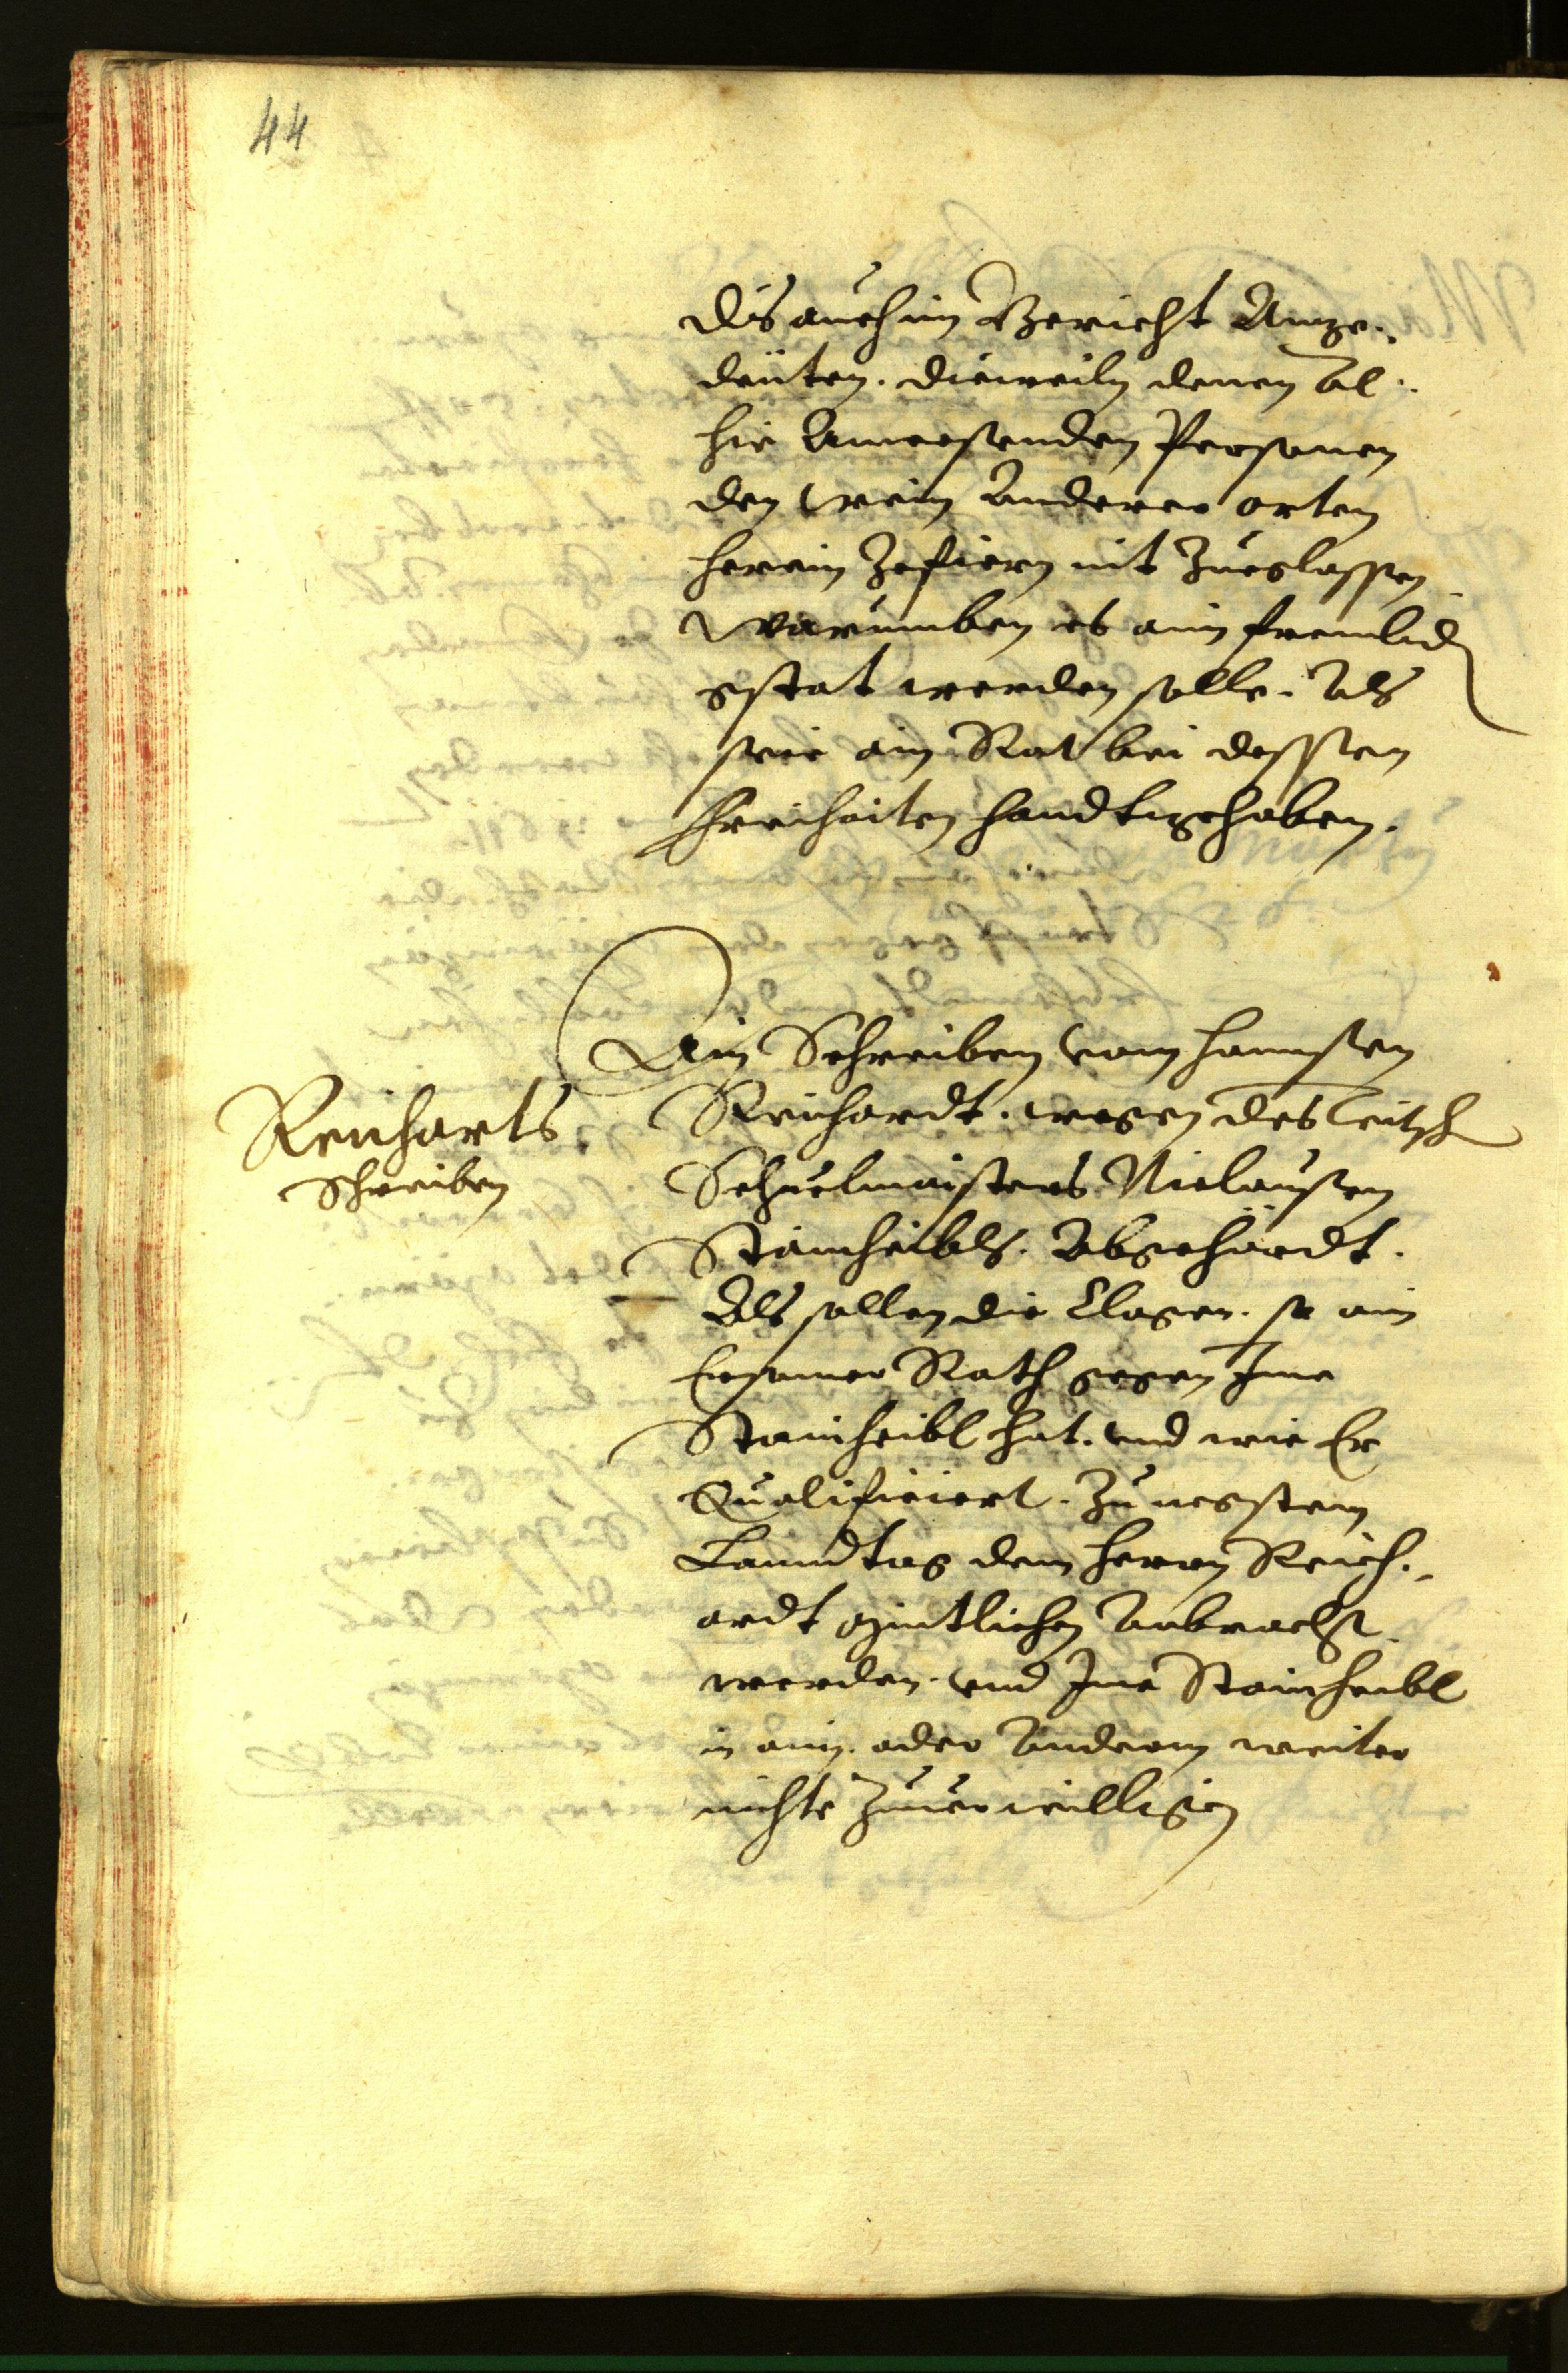44
dis aūch im Bericht Anze¬
deüten. dieweiln denen Al¬
hir Anwesenden Personen
den Wein Anderer orten
herein Zefiern nit Zūeglassen.
Warūmben es ain frembd
gstat werden solle. Als
seie ain Rat bei dessen
Freihaiten handzehaben.
Ain Schreiben vom Hannsen
Reichardt. wegen des Teitsch
Schūelmaisters Niclaūsen
Stainheibls. Abgehördt.
Als sollen die Clagen. so ain
Ersamer Rath gegen Ime
Stainheibl hat. vnd wie Er
Qūalificiert. Zū negstem
Lanndtag dem herrn Reich¬
ardt mintlichen Anbracht.
werden. vnd Ime Stainheibl
in aim. oder Andern weiter
nichte Zūūerwilligen
Reicharts
Schreiben